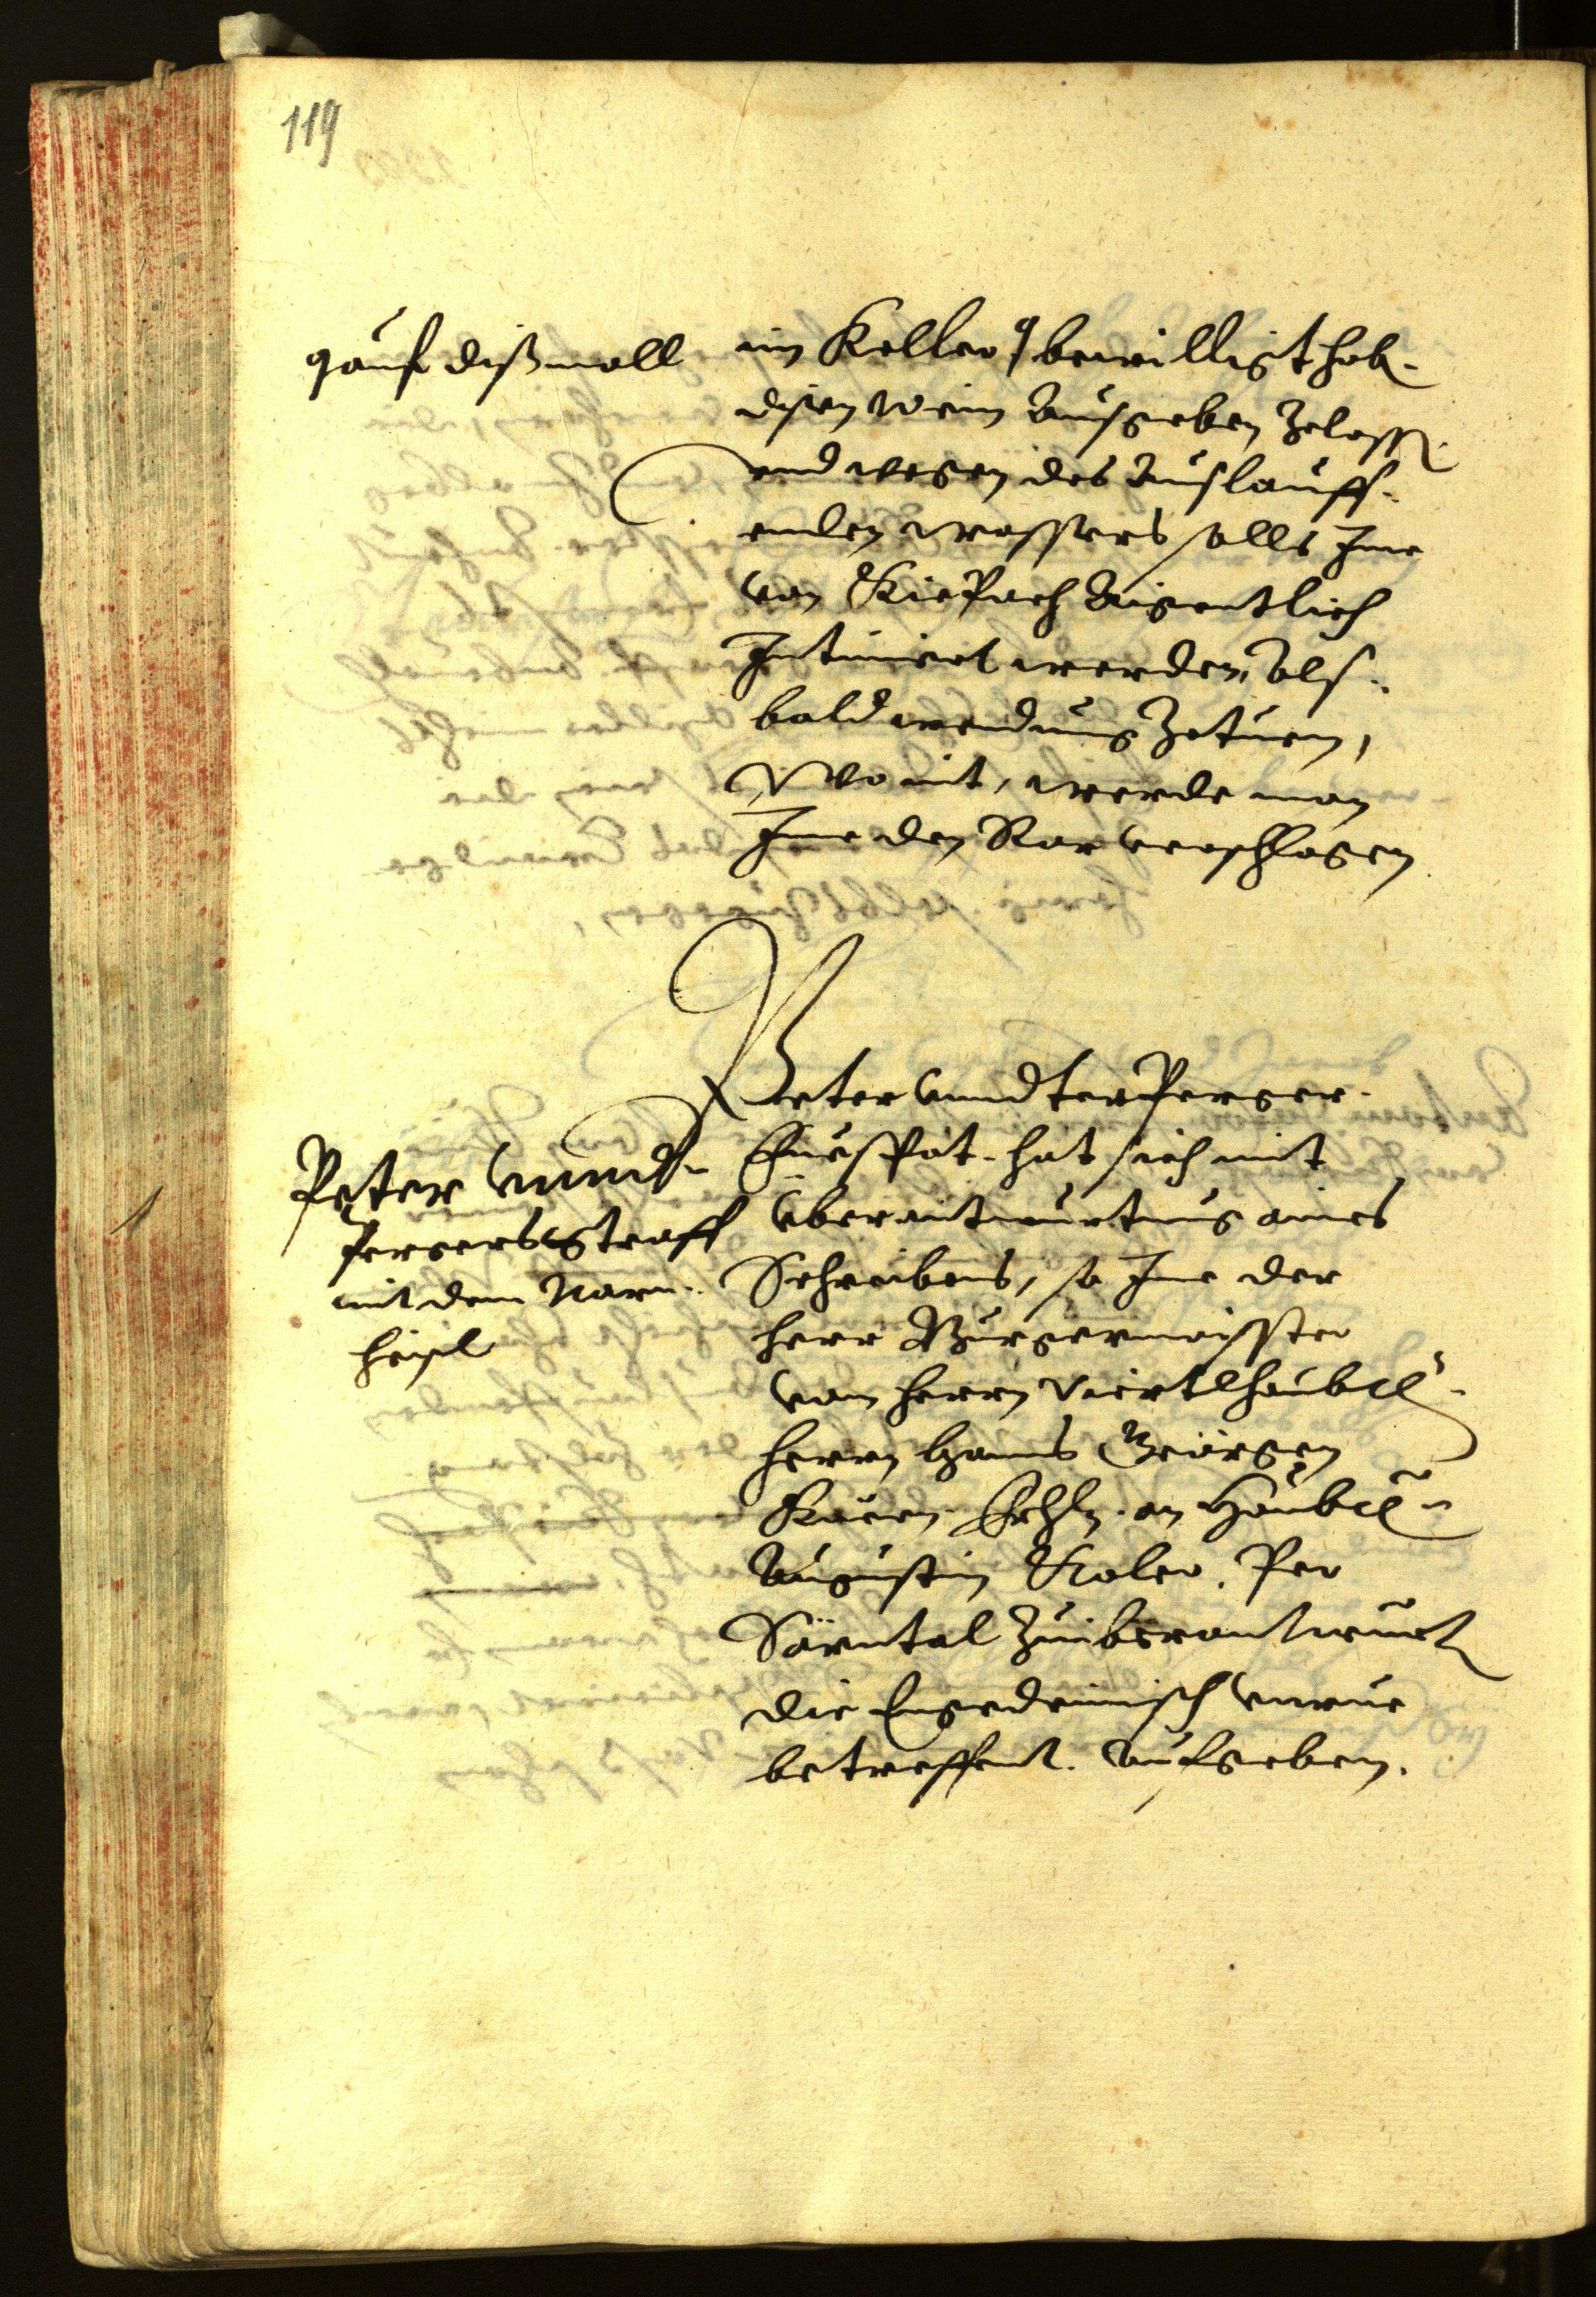119
im Keller bewilligt hab.
disen Wein Aūsgeben Zelass.
Vnd wegen des Aūslaūff¬
enden Wassers solls Ime
von KiePach Aigentlich
Intimiert werden, Als¬
bald wendūng Zetūen,
Wo nit, werde man
Ime den Ror verschlagen.
aūf dißmall
Peter VnndterPerger
FūesPot. hat sich mit
v̈berantwūrtūng aines
Schreibens, so Ime der
herr Būrgermaisster
vom herrn Viertlhaūbt
herrn Hanns Geörgen
Kūeen Frhn. an Haūbt
Aūgūstin Koler. Per
Särntal Zūiberantwūrt
die Engedeinisch vnrūe
betreffent. Aūfgeben.
Peter Vnndt¬
Pergers Straff
mit dem Narn¬
heisl